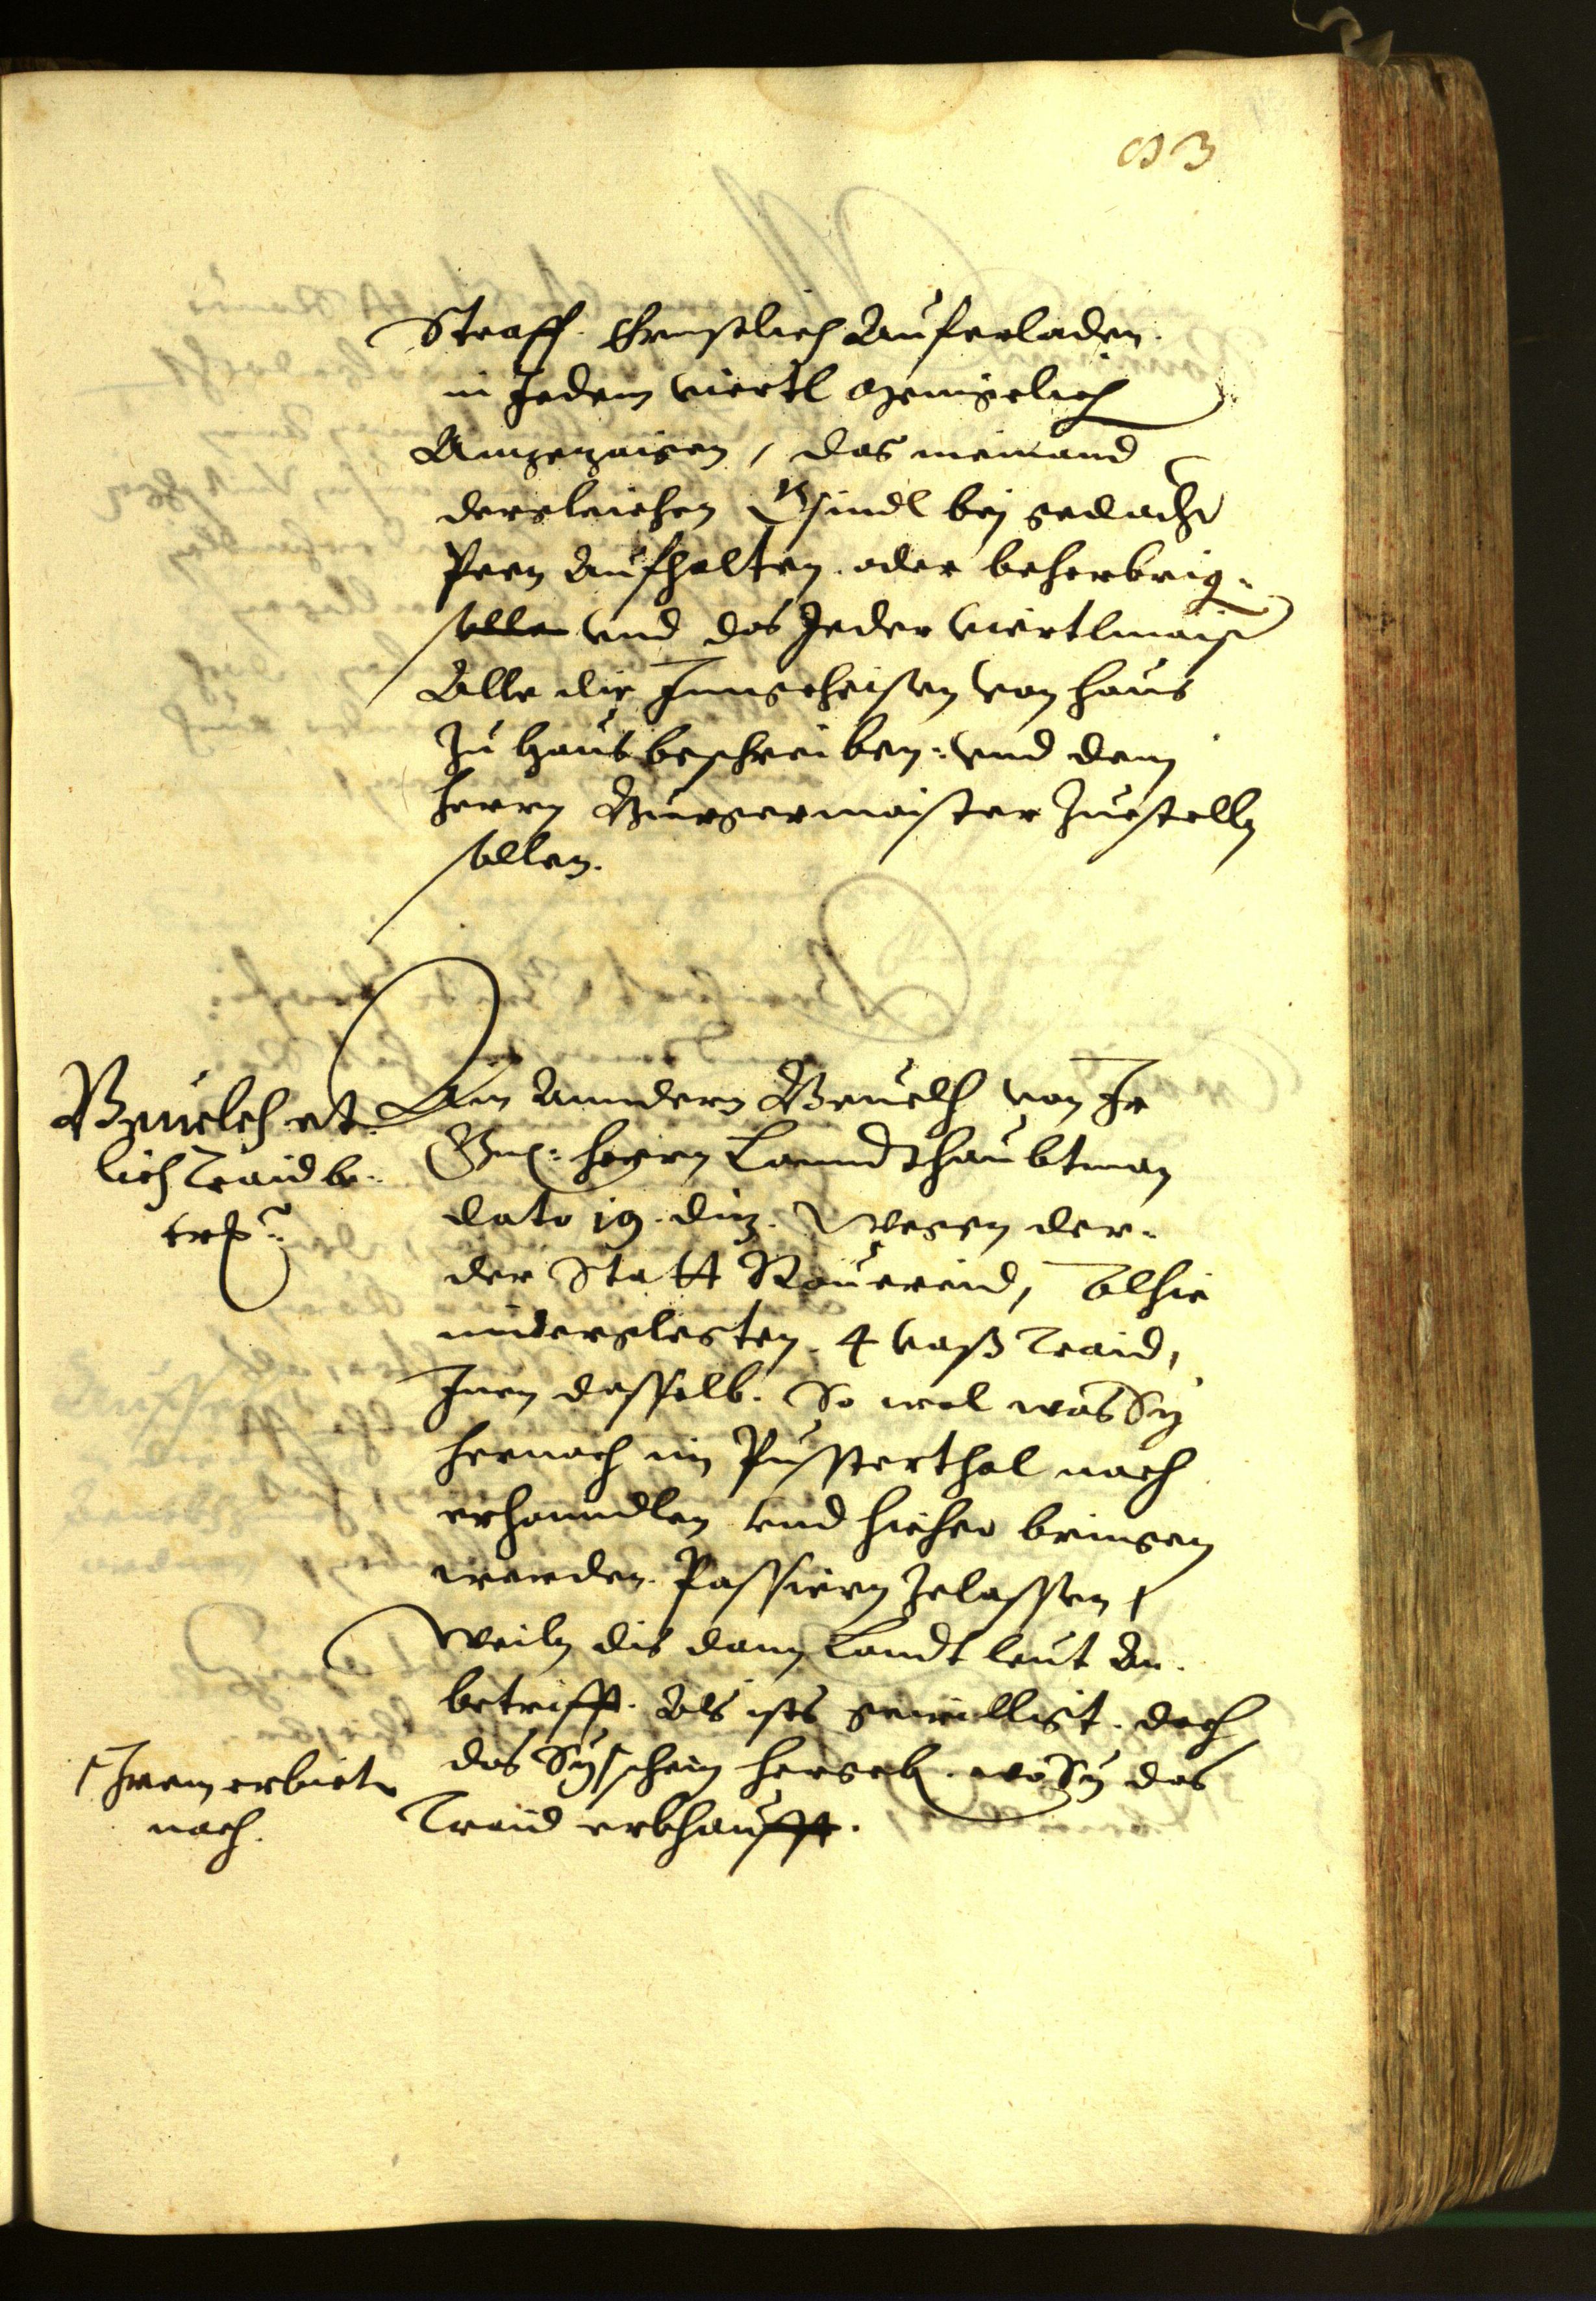83
Straff Ernstlich Aūferladen.
in Jedem viertl Menigelich
Anzezaigen, das niemand
dergleichen Gsindl bej gedacht
Peen Aūfhalten. oder beherbrig
solle vnd das Jeder viertlmaist
Alle die Inngeheisen von haūs
Zū haūs beschreiben: vnd dem
herrn Būrgermaister Zūestelln
sollen.
Ain Anndern Beūelh von Ir
Gn: herrn Lanndthaūbtman
dato 19. diz. Wegen der.
der Statt Roūereid, Alhie
niderglegten. 4 vaß Traid,
Inen dasselb. So wol was Sȳ
hernach im Pūssterthal noch
erhanndlen vnd hieher bringen
werden. Passiern Zelassen,
Weiln dis dann Lanndtleūt An¬
betrifft. Als ists gewilligt. doch
das Sȳ schein hergeb. wo Sȳ das
Traid erkhaūfft.
Beūelch et¬
lich Traid be¬
tr:
Irem erbieten
nach.